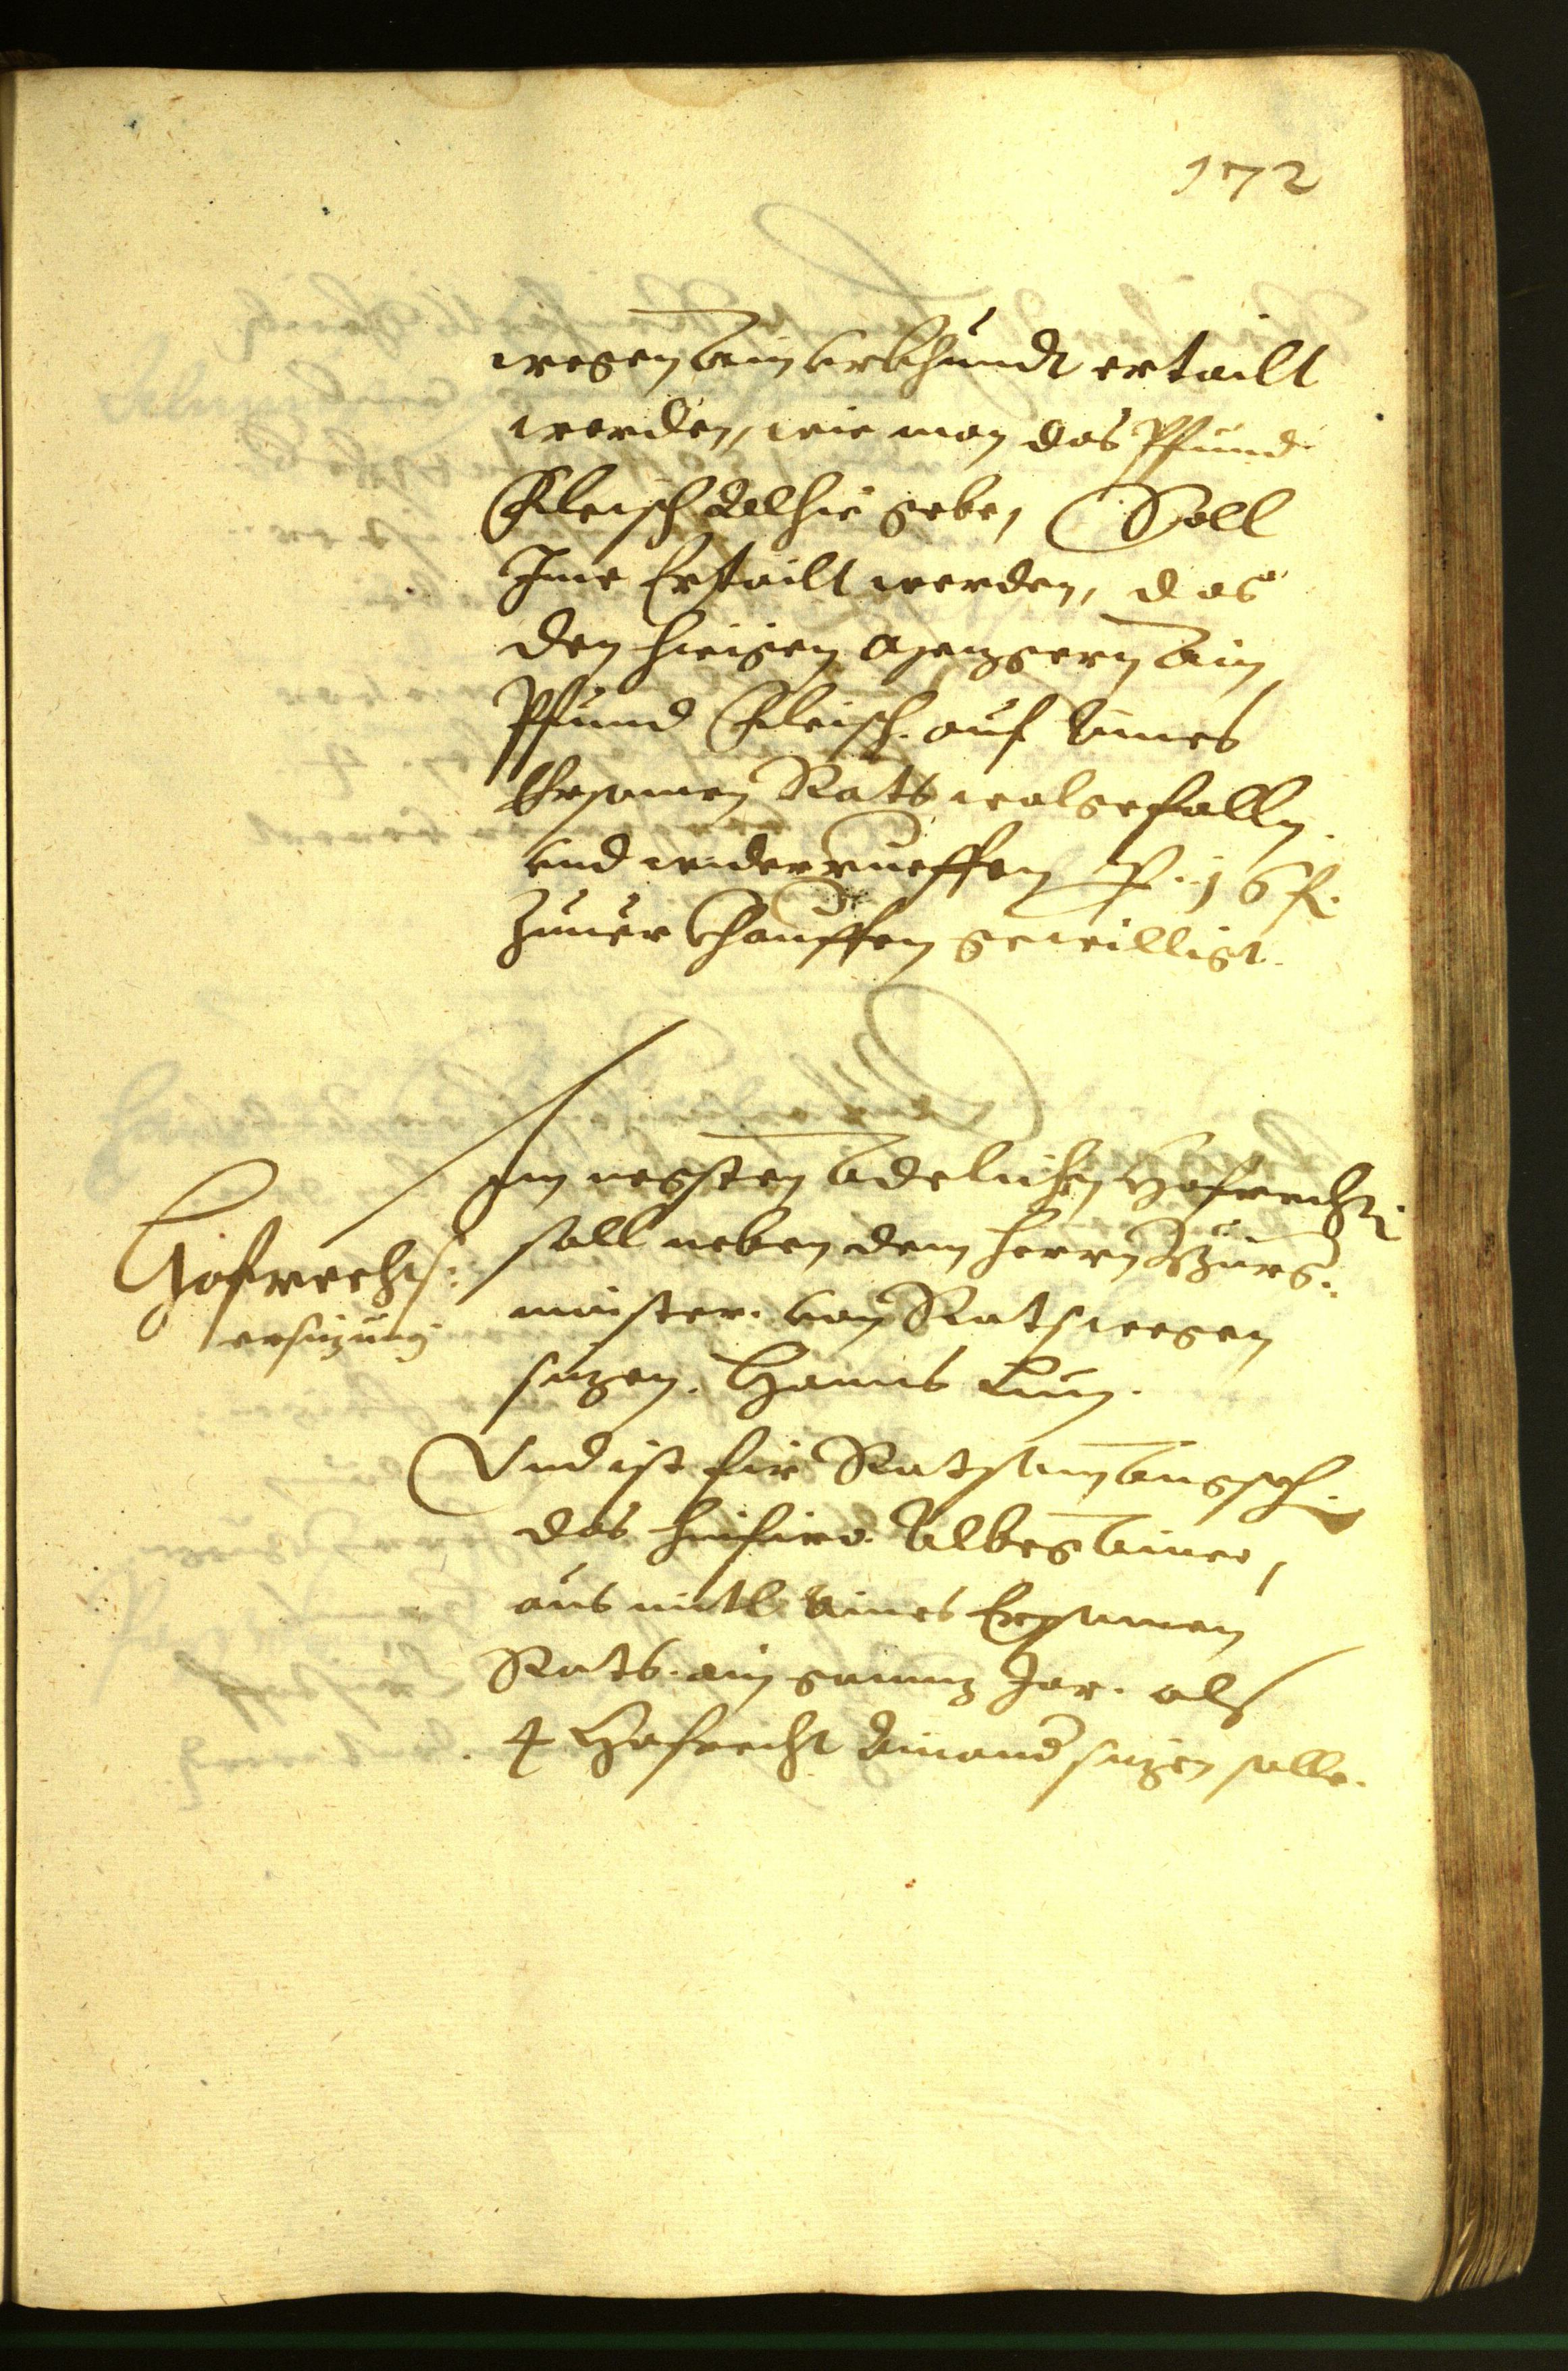172
wegen Ain vrkhūndt ertailt
werden, wie man das Pfūndt
Fleisch Alhie gebe, Soll
Ime Ertailt werden, das
den hieigen Mezgern Ain
Pfūnd Fleisch. aūf Aines
Ersamen Rats wolgefalln.
vnd widerrūeffen P: 16 f.
Zūūerkhaūffen gewilligt.
Im negsten Adelichen Hofrecht.
soll neben dem herrn Būrg¬
maister. von Ratswegen
sizen. Hanns Lūn.
Vnd ist fir Ratsam Angseh.
das hinfiro. Albeg Ainer,
aūs mitl Aines Ersamen
Rats. ain gannz Jar. als
4 Hofrecht Ainand sizen solle.
Hofrecht¬
ersizūng.